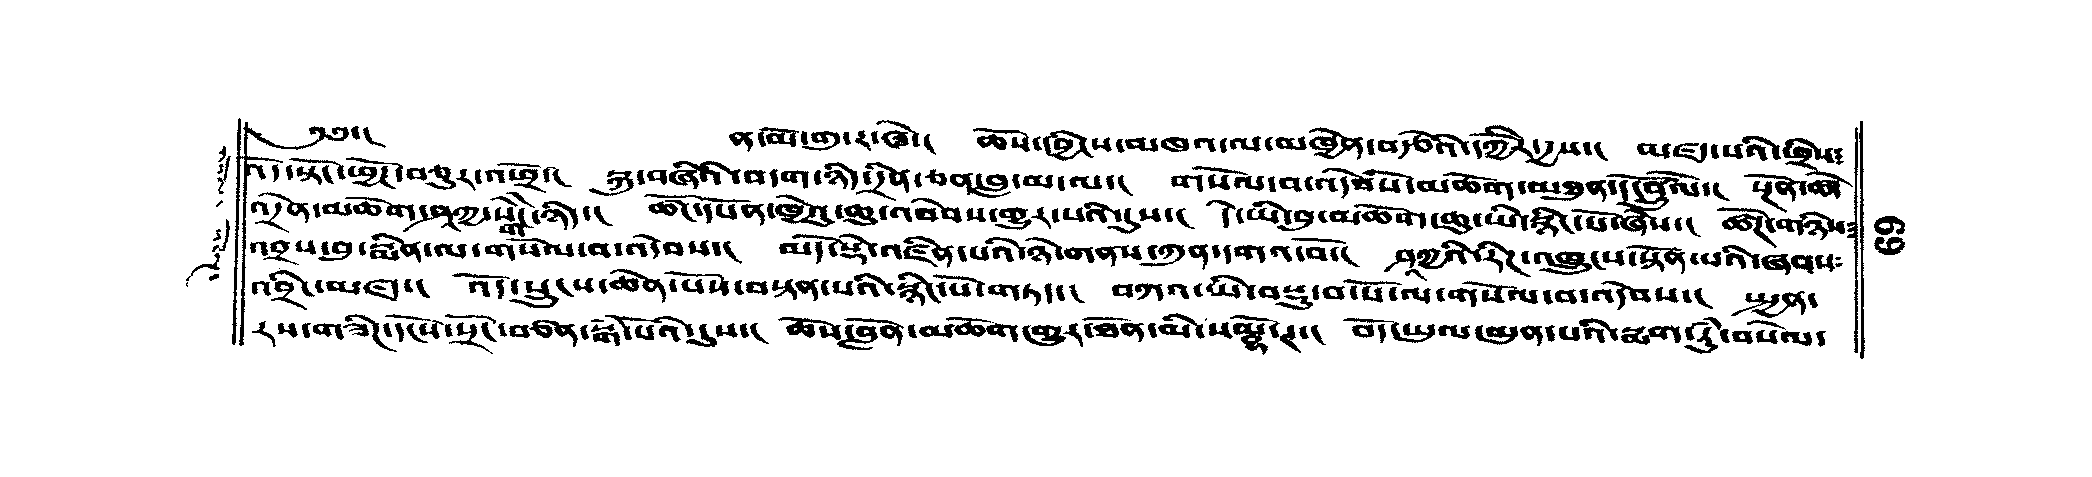ན་མོ་གུ་ར་ཝེ། ཆོས་དབྱིངས་མཁའ་ལ་མཁྱེན་བརྩེའི་དཀྱིལ་འཁོར་རྒྱས། །མཛད་པའི་ཕྲིན་ལས་
འོད་སྟོང་ཕྱོགས་བཅུར་འཕྲོ། །སྐུ་བཞིའི་བདག་ཉིད་དྲིན་ཅན་བླ་མ་ལ། །གསོལ་བ་འདེབས་སོ་མཆོག་ཐུན་དངོས་གྲུབ་སྩོལ། །སྔོན་ཚེ་
འདྲེན་མཆོག་ཤཱཀྱ་སེངྒེ་ཉིད། །ཚོང་དཔོན་ཁྱེའུ་ཆུ་འབེབས་གྱུར་པའི་དུས། །དེ་ཡི་བུ་མཆོག་ཆུ་ཡི་སྙིང་པོ་ཞེས། །ཚོགས་གཉིས་
འབྲས་བུ་སྨིན་ལ་གསོལ་བ་འདེབས། །མདོ་སྡེ་འཛིན་པའི་ཉེ་གནས་ཀུན་དགའ་བོ། །ཤཱཀྱའི་རིགས་འཁྲུངས་སྟོན་པའི་ཞབས་
འབྲིང་མཛད། །འོད་སྲུངས་ཆེན་པོས་བསྟན་པའི་སྙིང་པོ་གཏད། །བཀའ་ཡི་བསྡུ་བ་པོ་ལ་གསོལ་བ་འདེབས། །སྤྱན་
རས་གཟིགས་དངོས་སྲོང་བཙན་སྒམ་པོའི་དུས། །ཆོས་བློན་མཆོག་གྱུར་ཐོན་མི་སམྦྷོ་ཊ། །བོད་ཡུལ་མུན་པའི་སྨག་རུམ་སེལ་